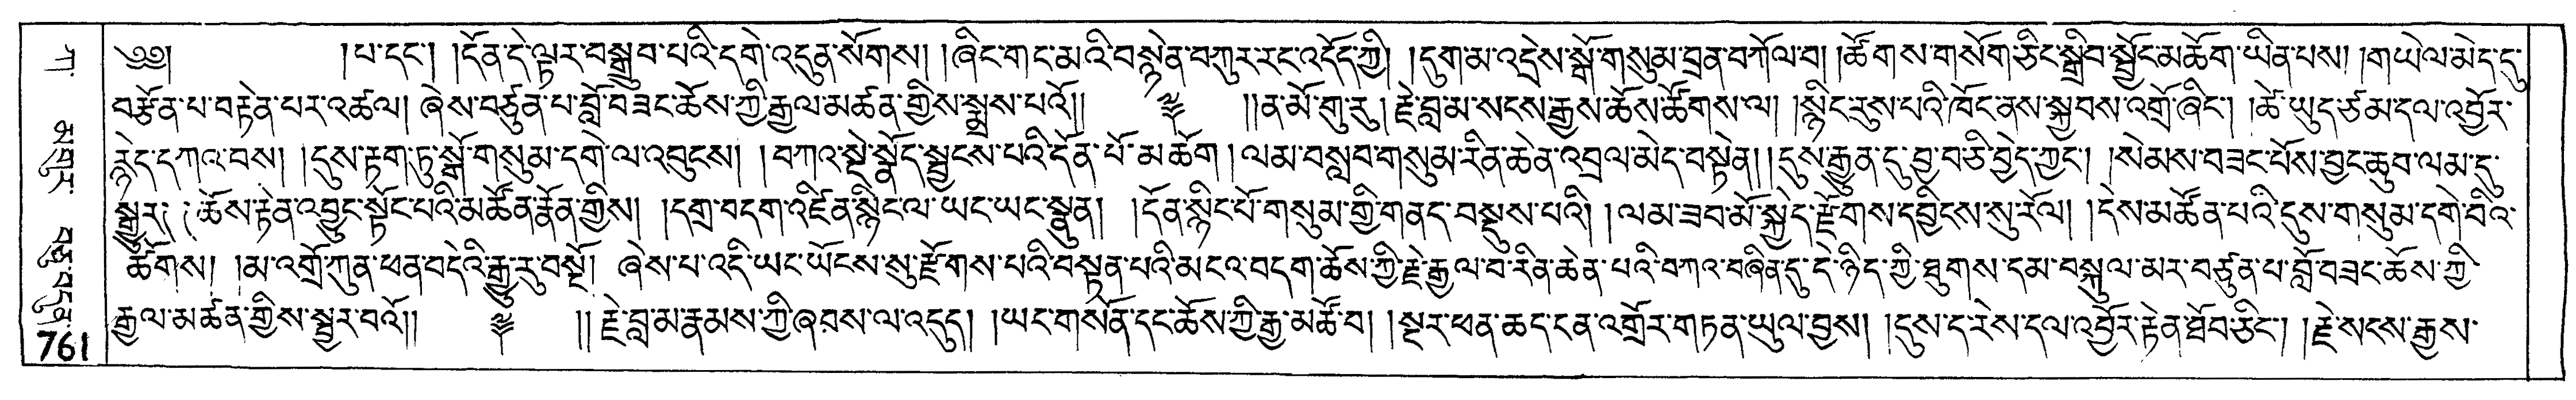༄༅། །པ་དང་། །དོན་དེ་ལྟར་བསྒྲུབ་པའི་དགེ་འདུན་སོགས། །ཞིང་གང་མའི་བསྙེན་བཀུར་རང་འདོད་ཀྱི། །དུག་མ་འདྲེས་སྒོ་གསུམ་བྲན་བཀོལ་བ། །ཚོགས་གསོག་ཅིང་སྒྲིབ་སྦྱོང་མཆོག་ཡིན་པས། །གཡེལ་མེད་དུ་
བརྩོན་པ་བརྟེན་པར་འཚལ། ཞེས་བཙུན་པ་བློ་བཟང་ཆོས་ཀྱི་རྒྱལ་མཚན་གྱིས་སྨྲས་པའོ།། ༈ །།ན་མོ་གུ་རུ། རྗེ་བླ་མ་སངས་རྒྱས་ཆོས་ཚོགས་ལ། །སྙིང་རུས་པའི་ཁོང་ནས་སྐྱབས་འགྲོ་ཞིང་། །ཚེ་ཡུད་ཙམ་དལ་འབྱོར་
རྙེད་དཀའ་བས། །དུས་རྟག་ཏུ་སྒོ་གསུམ་དགེ་ལ་འབུངས། །བཀའ་སྡེ་སྣོད་སྦྱངས་པའི་དོན་པོ་མཆོག །ལམ་བསླབ་གསུམ་རིན་ཆེན་འབྲལ་མེད་བསྟེན། །དུས་རྒྱུན་དུ་བྱ་བ་ཅི་བྱེད་ཀྱང་། །སེམས་བཟང་པོས་བྱང་ཆུབ་ལམ་དུ་
སྒྱུར༑ ༑ཆོས་རྟེན་འབྱུང་སྟོང་པའི་མཚོན་རྣོན་གྱིས། །དགྲ་བདག་འཛིན་སྙིང་ལ་ཡང་ཡང་སྣུན། །དོན་སྙིང་པོ་གསུམ་གྱི་གནད་བསྡུས་པའི། །ལམ་ཟབ་མོ་སྐྱེད་རྫོགས་དབྱིངས་སུ་རོལ། །དེས་མཚོན་པའི་དུས་གསུམ་དགེ་བའི་
ཚོགས། །མ་འགྲོ་ཀུན་ཕན་བདེའི་རྒྱུ་རུ་བསྔོ། ཞེས་པ་འདི་ཡང་ཡོངས་སུ་རྫོགས་པའི་བསྟན་པའི་མངའ་བདག་ཆོས་ཀྱི་རྗེ་རྒྱལ་བ་རིན་ཆེན་པའི་བཀའ་བཞིན་དུ་དེ་ཉིད་ཀྱི་ཐུགས་དམ་བསྐུལ་མར་བཙུན་པ་བློ་བཟང་ཆོས་ཀྱི་
རྒྱལ་མཚན་གྱིས་སྦྱར་བའོ།། །།རྗེ་བླ་མ་རྣམས་ཀྱི་ཞབས་ལ་འདུད། །ཡང་གསོན་དང་ཆོས་ཀྱི་རྒྱ་མཚོ་བ། །སྔར་ཕན་ཆད་ངན་འགྲོར་གཏན་ཡུལ་བྱས། །དུས་ད་རེས་དལ་འབྱོར་རྟེན་ཐོབ་ཅིང་། །རྗེ་སངས་རྒྱས་